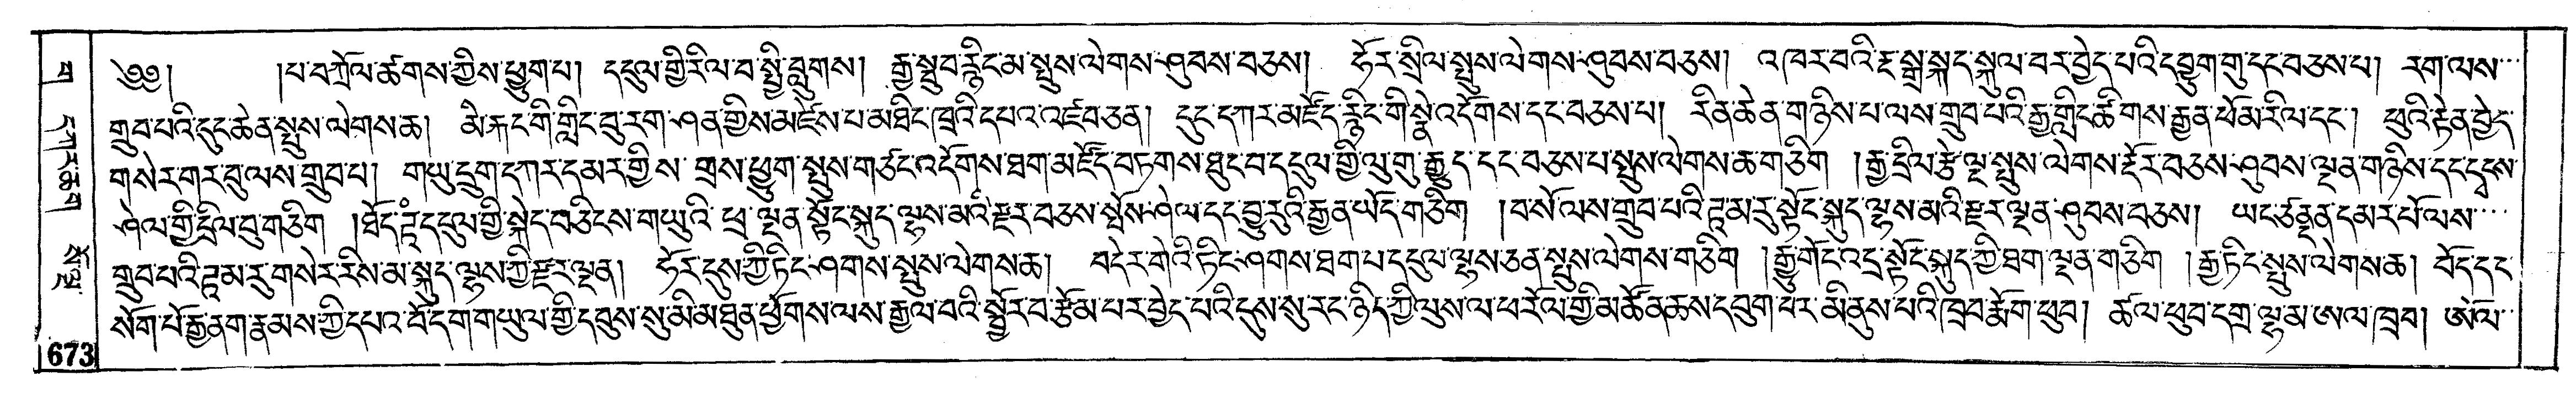༄༅། །པ་བཀྲོལ་ཚགས་ཀྱིས་ཕྱུག་པ། དངུལ་གྱི་རིལ་བ་སྤྱི་བླུགས། རྒྱ་སྦུབ་རྙིང་མ་སྤུས་ལེགས་ཤུབས་བཅས། ཧོར་སིལ་སྤུས་ལེགས་ཤུབས་བཅས། འཁར་བའི་རྔ་སྒྲ་སྐད་སྐུལ་བར་བྱེད་པའི་དབྱུག་གུ་དང་བཅས་པ། རག་ལས་
གྲུབ་པའི་དུང་ཆེན་སྦུས་ལེགས་ཆ། མི་རྐང་གི་གླིང་བུ་རག་ཤན་གྱིས་མཛེས་པ་མཐིང་ཁྲའི་དཔའ་འཛབ་ཅན། དུང་དཀར་མཛོང་རྙིང་གི་སྣེ་འདོགས་དང་བཅས་པ། རིན་ཆེན་གཉིས་པ་ལས་གྲུབ་པའི་རྒྱ་གླིང་ཚིགས་རྒྱན་ཕོམ་རིལ་དང་། ཕུའི་རྟེན་བྱེད་
གསེར་གར་བུ་ལས་གྲུབ་པ། གཡུ་དྲུག་དཀར་དམར་གྱིས་ཕྲས་ཕྱུག་སྦུས་གཙང་འདོགས་ཐག་མཛོད་བཏགས་ཐུང་བ་དངུལ་གྱི་ལུ་གུ་རྒྱུད་དང་བཅས་པ་སྦུས་ལེགས་ཆ་གཅིག །རྒྱ་དྲིལ་རྩེ་ལྔ་སྦུས་ལེགས་རྡོར་བཅས་ཤུབས་ལྡན་གཉིས་དང་དྭངས་
ཤེལ་གྱི་དྲིལ་བུ་གཅིག །ཐོད་ཌཱཾ་དངུལ་གྱི་སྐེད་བཅིངས་གཡུའི་ཕྲ་ལྡན་སྟོང་སྐུད་ལྷས་པའི་རྫར་བཅས་སྤོས་ཤེལ་དང་བྱུ་རུའི་རྒྱན་ཡོད་གཅིག །བ་སོ་ལས་གྲུབ་པའི་ཌཱ་མ་རུ་སྟོང་སྐུད་ལྷས་མའི་རྫར་ལྡན་ཤུབས་བཅས། ཡང་ཙནྡན་དམར་པོ་ལས་
གྲུབ་པའི་ཌཱ་མ་རུ་གསེར་རིས་མ་སྐུད་ལྷས་ཀྱི་རྫར་ལྡན། ཧོར་དུས་ཀྱི་ཏིང་ཤགས་སྦུས་ལེགས་ཆ། བདེར་གེའི་ཏིང་ཤགས་ཐག་པ་དངུལ་ལྷས་ཅན་སྤུས་ལེགས་གཅིག །རྒྱུ་གོང་འདྲ་སྟོང་སྐུད་ཀྱི་ཐག་ལྡན་གཅིག །རྒྱ་ཏིང་སྦུས་ལེགས་ཆ། བོད་དང་
སོག་པོ་རྒྱ་ནག་རྣམས་ཀྱི་དབའ་པོ་དག་གཡུལ་གྱི་དབུས་སུ་མི་མཐུན་ཕྱོགས་ལས་རྒྱལ་བའི་སྦྱོར་བ་རྩོམ་པར་བྱེད་པའི་དུས་སུ་རང་ཉིད་ཀྱི་ལུས་ལ་ཕ་རོལ་གྱི་མཚོན་ཆས་དབུག་པར་མི་ནུས་པའི་ཁྲབ་རྨོག་ཕུབ། ཚལ་ཕུབ་དགྲ་ལྟ་མ་ཨལ་ཁྲབ། ཨོལ་